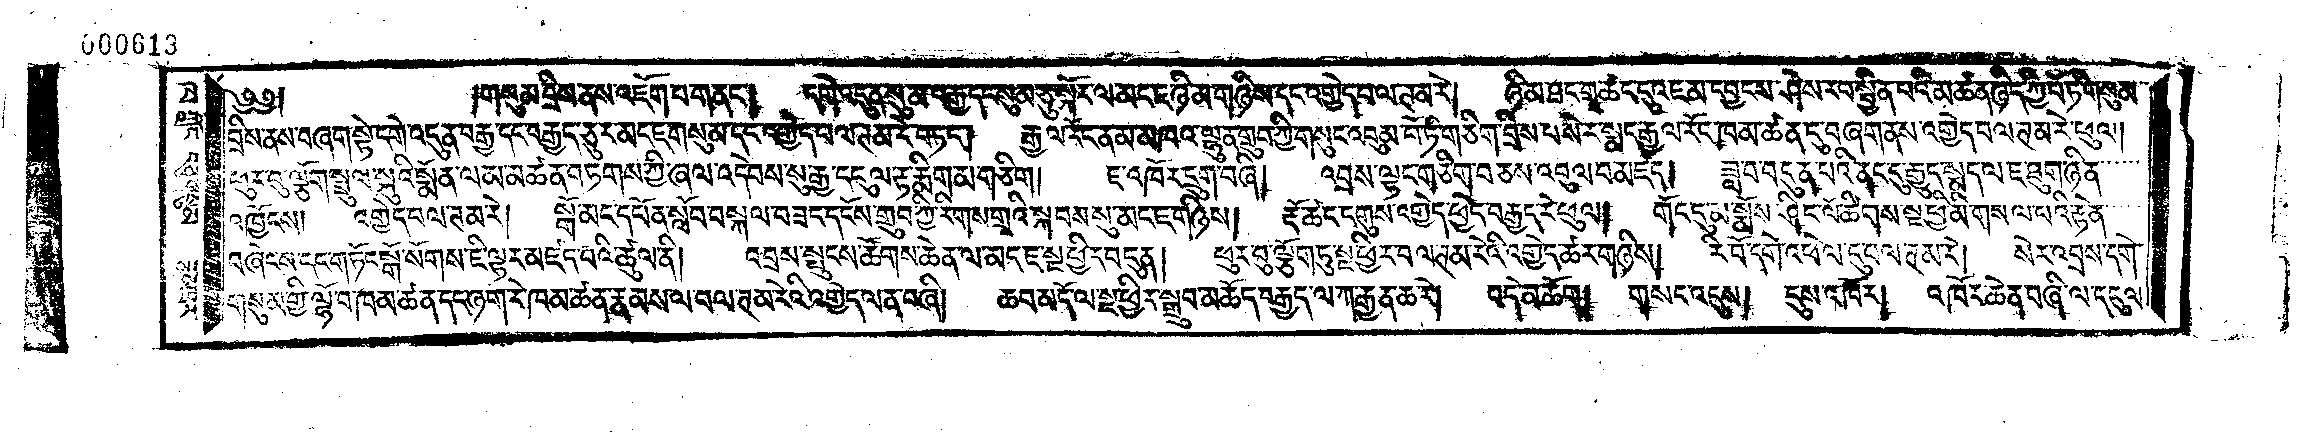༄༅། །གསུམ་དྲིས་ནས་འཇོག་པ་གནང་། དགེ་འདུན་སུམ་བརྒྱ་དང་སུམ་ཅུ་སྐོར་ལ་མང་ཇ་ཉི་མ་གཉིས་དང་འགྱེད་བལ་ཊམ་རེ། ཉི་མཐར་གྲྭ་ཚང་དུ་འཇམ་དབྱངས་ཤེས་རབ་སྦྱིན་པའི་མཚན་ཉིད་ཀྱི་པོ་ཏི་གསུམ་
བྲིས་ནས་བཞག་སྟེ་དགེ་འདུན་བརྒྱ་དང་བརྒྱད་ཅུར་མང་ཇ་གསུམ་དང་འགྱེད་བལ་ཊམ་རེ་བཏང་། རྒྱལ་རོང་ནམ་མཁའ་ལྷུན་གྲུབ་ཀྱི་གསུང་འབུམ་པོཏ་གཅིག་བྲིས་པ་སེར་སྨད་རྒྱལ་རོང་ཁམ་ཚན་དུ་བཞག་ནས་འགྱེད་བལ་ཊམ་རེ་ཕུལ།
ཕུར་བུ་ལྕོག་སྤྲུལ་སྐུའི་སྨོན་ལམ་མཚན་བཏགས་ཀྱི་ཞལ་འདེབས་སུ་རྒྱ་དངུལ་རྟ་རྨིག་མ་གཅིག། ཇ་འཁོར་དྲུག་བཞི། འབྲས་ལྟང་གཅིག་བཅས་འབུལ་བ་མཛད། ཟླ་བ་བདུན་པའི་ནང་དུ་རྒྱུད་སྨད་ལ་ཇ་ཐུག་ཉིན་
འཁྱོངས། འགྱེད་བལ་ཊམ་རེ། སྒོ་མང་དཔོན་སློབ་བསྐལ་བཟང་དངོས་གྲུབ་ཀྱི་རིགས་གྲྭའི་སྐབས་སུ་མང་ཇ་གཉིས། རྡོ་ཚང་དགུས་འགྱེད་ཕྱེད་བརྒྱད་རེ་ཕུལ། གོང་དུ་མ་སྨོས་ཤིང་ལོ་ཚིགས་སྔ་ཕྱི་མི་གསལ་བའི་རྟེན་
བཞེངས་དང་གཏོང་སྒོ་སོགས་ཇི་ལྟར་མཛད་པའི་ཚུལ་ནི། འབྲས་སྤུངས་ཚོགས་ཆེན་ལ་མང་ཇ་སྔ་ཕྱིར་བདུན། ཕུར་བུ་ལྕོག་ཏུ་སྔ་ཕྱིར་བལ་ཊམ་རེའི་འགྱེད་ཚར་གཉིས། རི་བོ་དགེ་འཕེལ་དུ་བལ་ཊམ་རེ། སེར་འབྲས་དགེ་
གསུམ་གྱི་ལྷོ་བ་ཁམ་ཚན་དང་ཉག་རེ་ཁམ་ཚན་རྣམས་ལ་བལ་ཊམ་རེའི་འགྱེད་ལན་བཞི། ཆབ་མདོ་ལ་སྔ་ཕྱིར་སྒྲུབ་མཆོད་པ་རྒྱང་ལ་ཀ་རྒྱན་ཆ་རེ། བདེ་མཆོག། གསང་འདུས། དུས་འཁོར། འཁོར་ཆེན་བཞི་ལ་དངུལ་